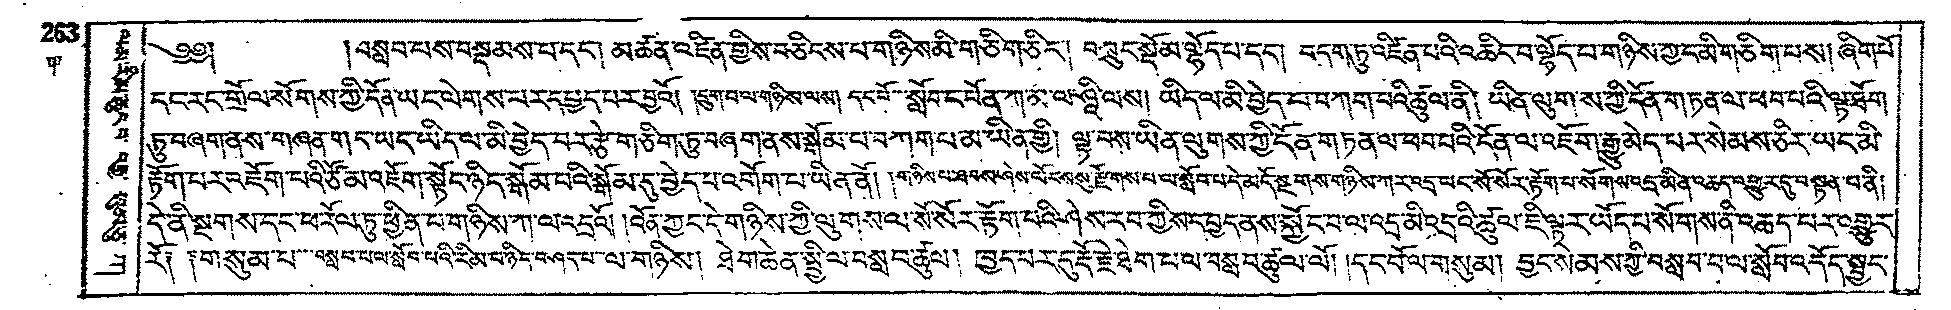༄༅། །བསླབ་པས་བསྡམས་པ་དང་། མཚན་འཛིན་གྱིས་བཅིངས་པ་གཉིས་མི་གཅིག་ཅིང་། བསྲུང་སྡོམ་ལྷོད་པ་དང་། བདག་ཏུ་འཛིན་པའི་འཆིང་བ་ལྷོད་པ་གཉིས་ཀྱང་མི་གཅིག་པས། ཞིག་པོ་
དང་རང་གྲོལ་སོགས་ཀྱི་དོན་ཡང་ལེགས་པར་དཔྱད་པར་བྱའོ། །དྲུག་པ་ལ་གཉིས་ལས། དང་པོ་སློབ་དཔོན་ཀ་མ་ལ་ཤཱི་ལས། ཡིད་ལ་མི་བྱེད་པ་བཀག་པའི་ཚུལ་ནི། ཡིན་ལུགས་ཀྱི་དོན་གཏན་ལ་ཕབ་པའི་ལྟ་ཐོག་
ཏུ་བཞག་ནས་གཞན་གང་ཡང་ཡིད་ལ་མི་བྱེད་པར་རྩེ་གཅིག་ཏུ་བཞག་ནས་སྒོམ་པ་བཀག་པ་མ་ཡིན་གྱི། ལྟ་བས་ཡིན་ལུགས་ཀྱི་དོན་གཏན་ལ་ཕབ་པའི་དོན་ལ་འཇོག་རྒྱུ་མེད་པར་སེམས་ཅིར་ཡང་མི་
རྟོག་པར་འཇོག་པའི་ཙོམ་འཇོག་སྟོང་ཉིད་སྒོམ་པའི་སྒོམ་དུ་བྱེད་པ་འགོག་པ་ཡིན་ནོ། །གཉིས་པ་ཐབས་ཤེས་ཡོངས་སུ་རྫོགས་པ་ལ་སློབ་པ་དེ་མདོ་སྔགས་གཉིས་ཀར་འདྲ་ཡང་སོ་སོར་རྟོག་པ་སོགས་འདྲ་མིན་འཆད་འགྱུར་དུ་བསྟན་པ་ནི།
དེ་ནི་སྔགས་དང་ཕ་རོལ་ཏུ་ཕྱིན་པ་གཉིས་ཀ་ལ་འདྲའོ། །འོན་ཀྱང་དེ་གཉིས་ཀྱི་ལུགས་ལ་སོ་སོར་རྟོག་པའི་ཤེས་རབ་ཀྱིས་དཔྱད་ནས་སྐྱོང་བ་ལ་འདྲ་མི་འདྲའི་ཚུལ་ཇི་ལྟར་ཡོད་པ་སོགས་ནི་འཆད་པར་འགྱུར་
རོ༑ ༑གསུམ་པ་བསླབ་པ་ལ་སློབ་པའི་རིམ་པ་ཉིད་བཤད་པལ་གཉིས། ཐེག་ཆེན་སྤྱི་ལ་བསླབ་ཚུལ། ཁྱད་པར་དུ་རྡོ་རྗེ་ཐེག་པ་ལ་བསླབ་ཚུལ་ལོ། །དང་པོ་ལ་གསུམ། བྱང་སེམས་ཀྱི་བསླབ་པ་ལ་སློབ་འདོད་སྦྱང་